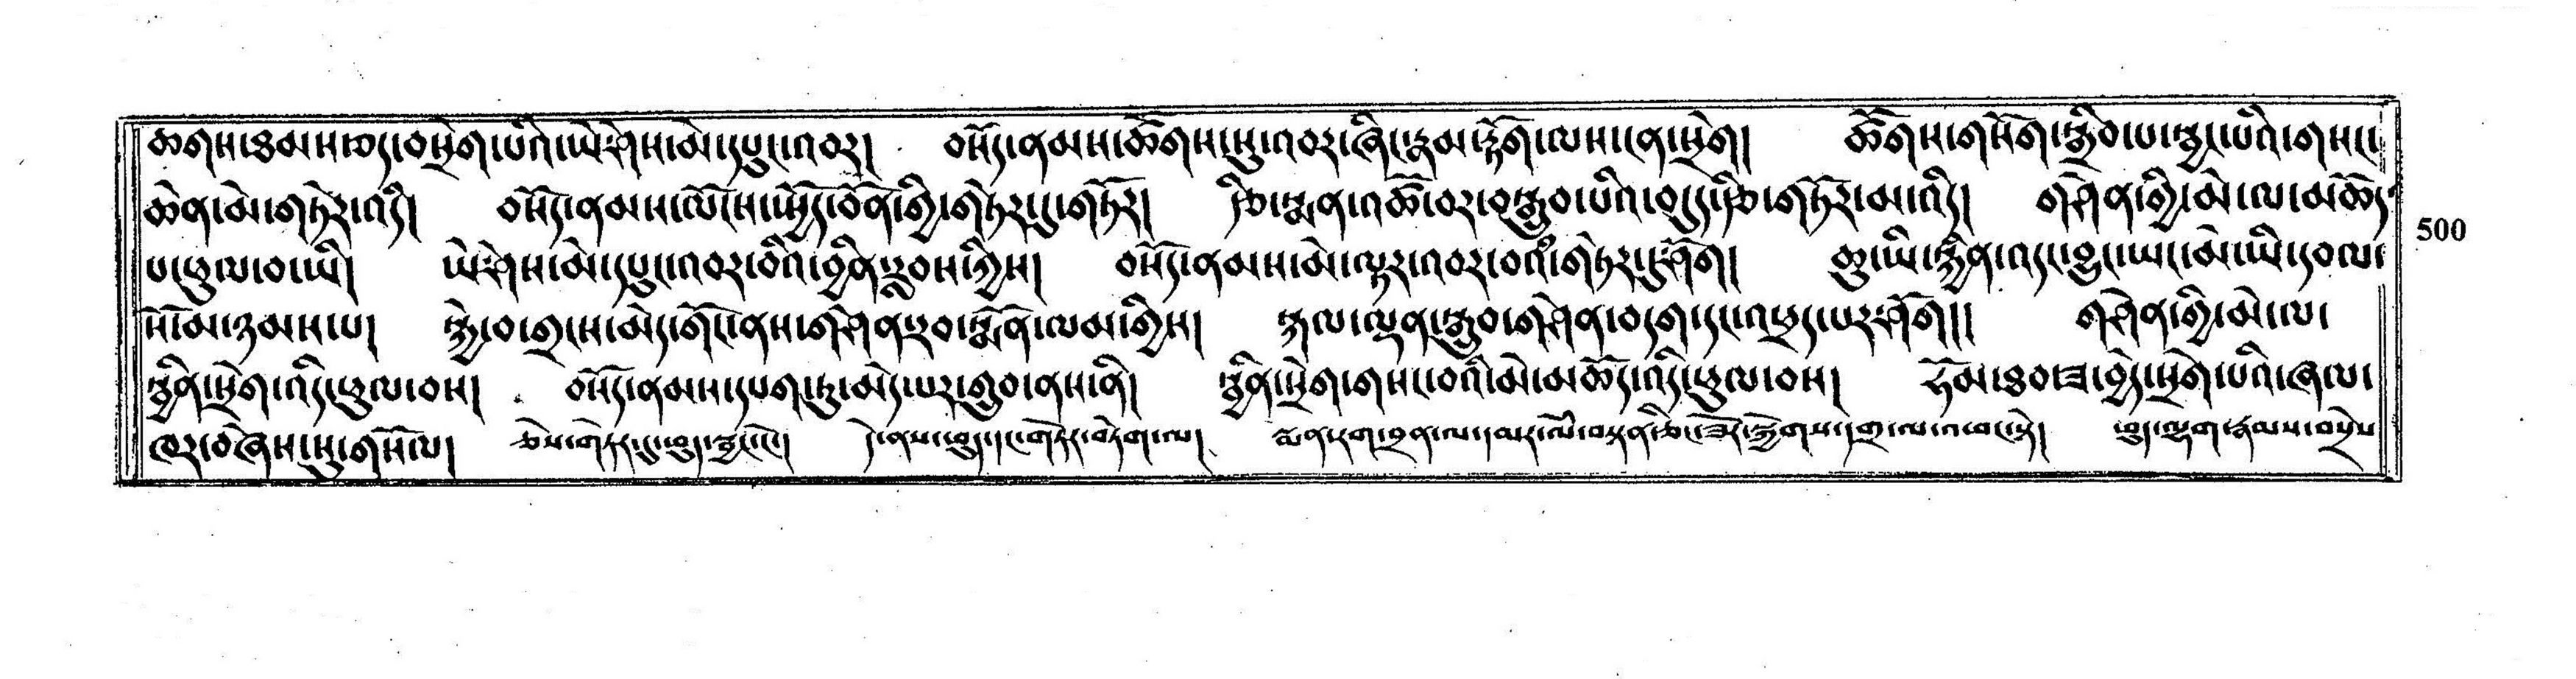ཆགས་ཐམས་ཅད་བསྲེག་པའི་ཡེ་ཤེས་མེ་དཔུང་འབར། བསོད་ནམས་ཚོགས་སུ་འབར་ཞིང་རྣམ་རྟོག་ལས་ངན་སྲེག ཚོགས་གསོག་སྒྲིབ་པ་སྦྱང་པའི་གསང་
ཆེན་མེ་གཏེར་འདི། བསོད་ནམས་{514}ལོངས་སྤྱོད་བོན་གྱི་གཏེར་དུ་གཏོར། རྩི་སྨན་འཚོ་བར་བསྒྲུབ་པའི་བདུད་རྩི་གཏོར་མ་འདི། གཤེན་གྱི་མེ་ལ་མཆོད་
པ་འདི་ཕུལ་བ་ཡི། ཡེ་ཤེས་མེ་དཔུང་འབར་བའི་བྱིན་རླབས་ཀྱིས། བསོད་ནམས་མེ་ལྟར་འབར་བའི་གཏེར་དུ་ཤོག །ཆུ་ཡི་སྐྱིན་འདང་བྱུང་ཡང་མེ་ཡི་དབལ་
སོ་མ་ཉམས་པ། སྐྱེ་བ་གྲངས་མེད་གོང་ནས་གཤེན་རབ་སྨོན་ལམ་གྱིས། སྐལ་ལྡན་སྒྲུབ་གཤེན་བདག་དང་འཕྲད་པར་ཤོག གཤེན་གྱི་མེ་ལ་
སྦྱིན་སྲེག་འདི་ཕུལ་བས། བསོད་ནམས་དཔག་ཏུ་མེད་པར་གྲུབ་ནས་ནི། སྦྱིན་སྲེག་གསང་བའི་མེ་མཆོད་འདི་ཕུལ་བས། ཧོམ་ཐབ་ཟ་བྱེད་སྲེག་པའི་ཞལ་
ཁར་བཞེས་སུ་གསོལ། ཅེས་གཏེར་དུ་ཕུད་སྦྱང་ངོ་། དེ་ནས་ཕུད་དང་གཏོར་བཏེག་ལ། སྨན་རག་བྲན་ལ་དམར་ལམ་བསྟན་ཅིང་ཟོར་སྐྱོགས་དགྲ་ལ་འཕང་སྟེ། ཕུད་ལྷག་རྣམས་བསྲེས་